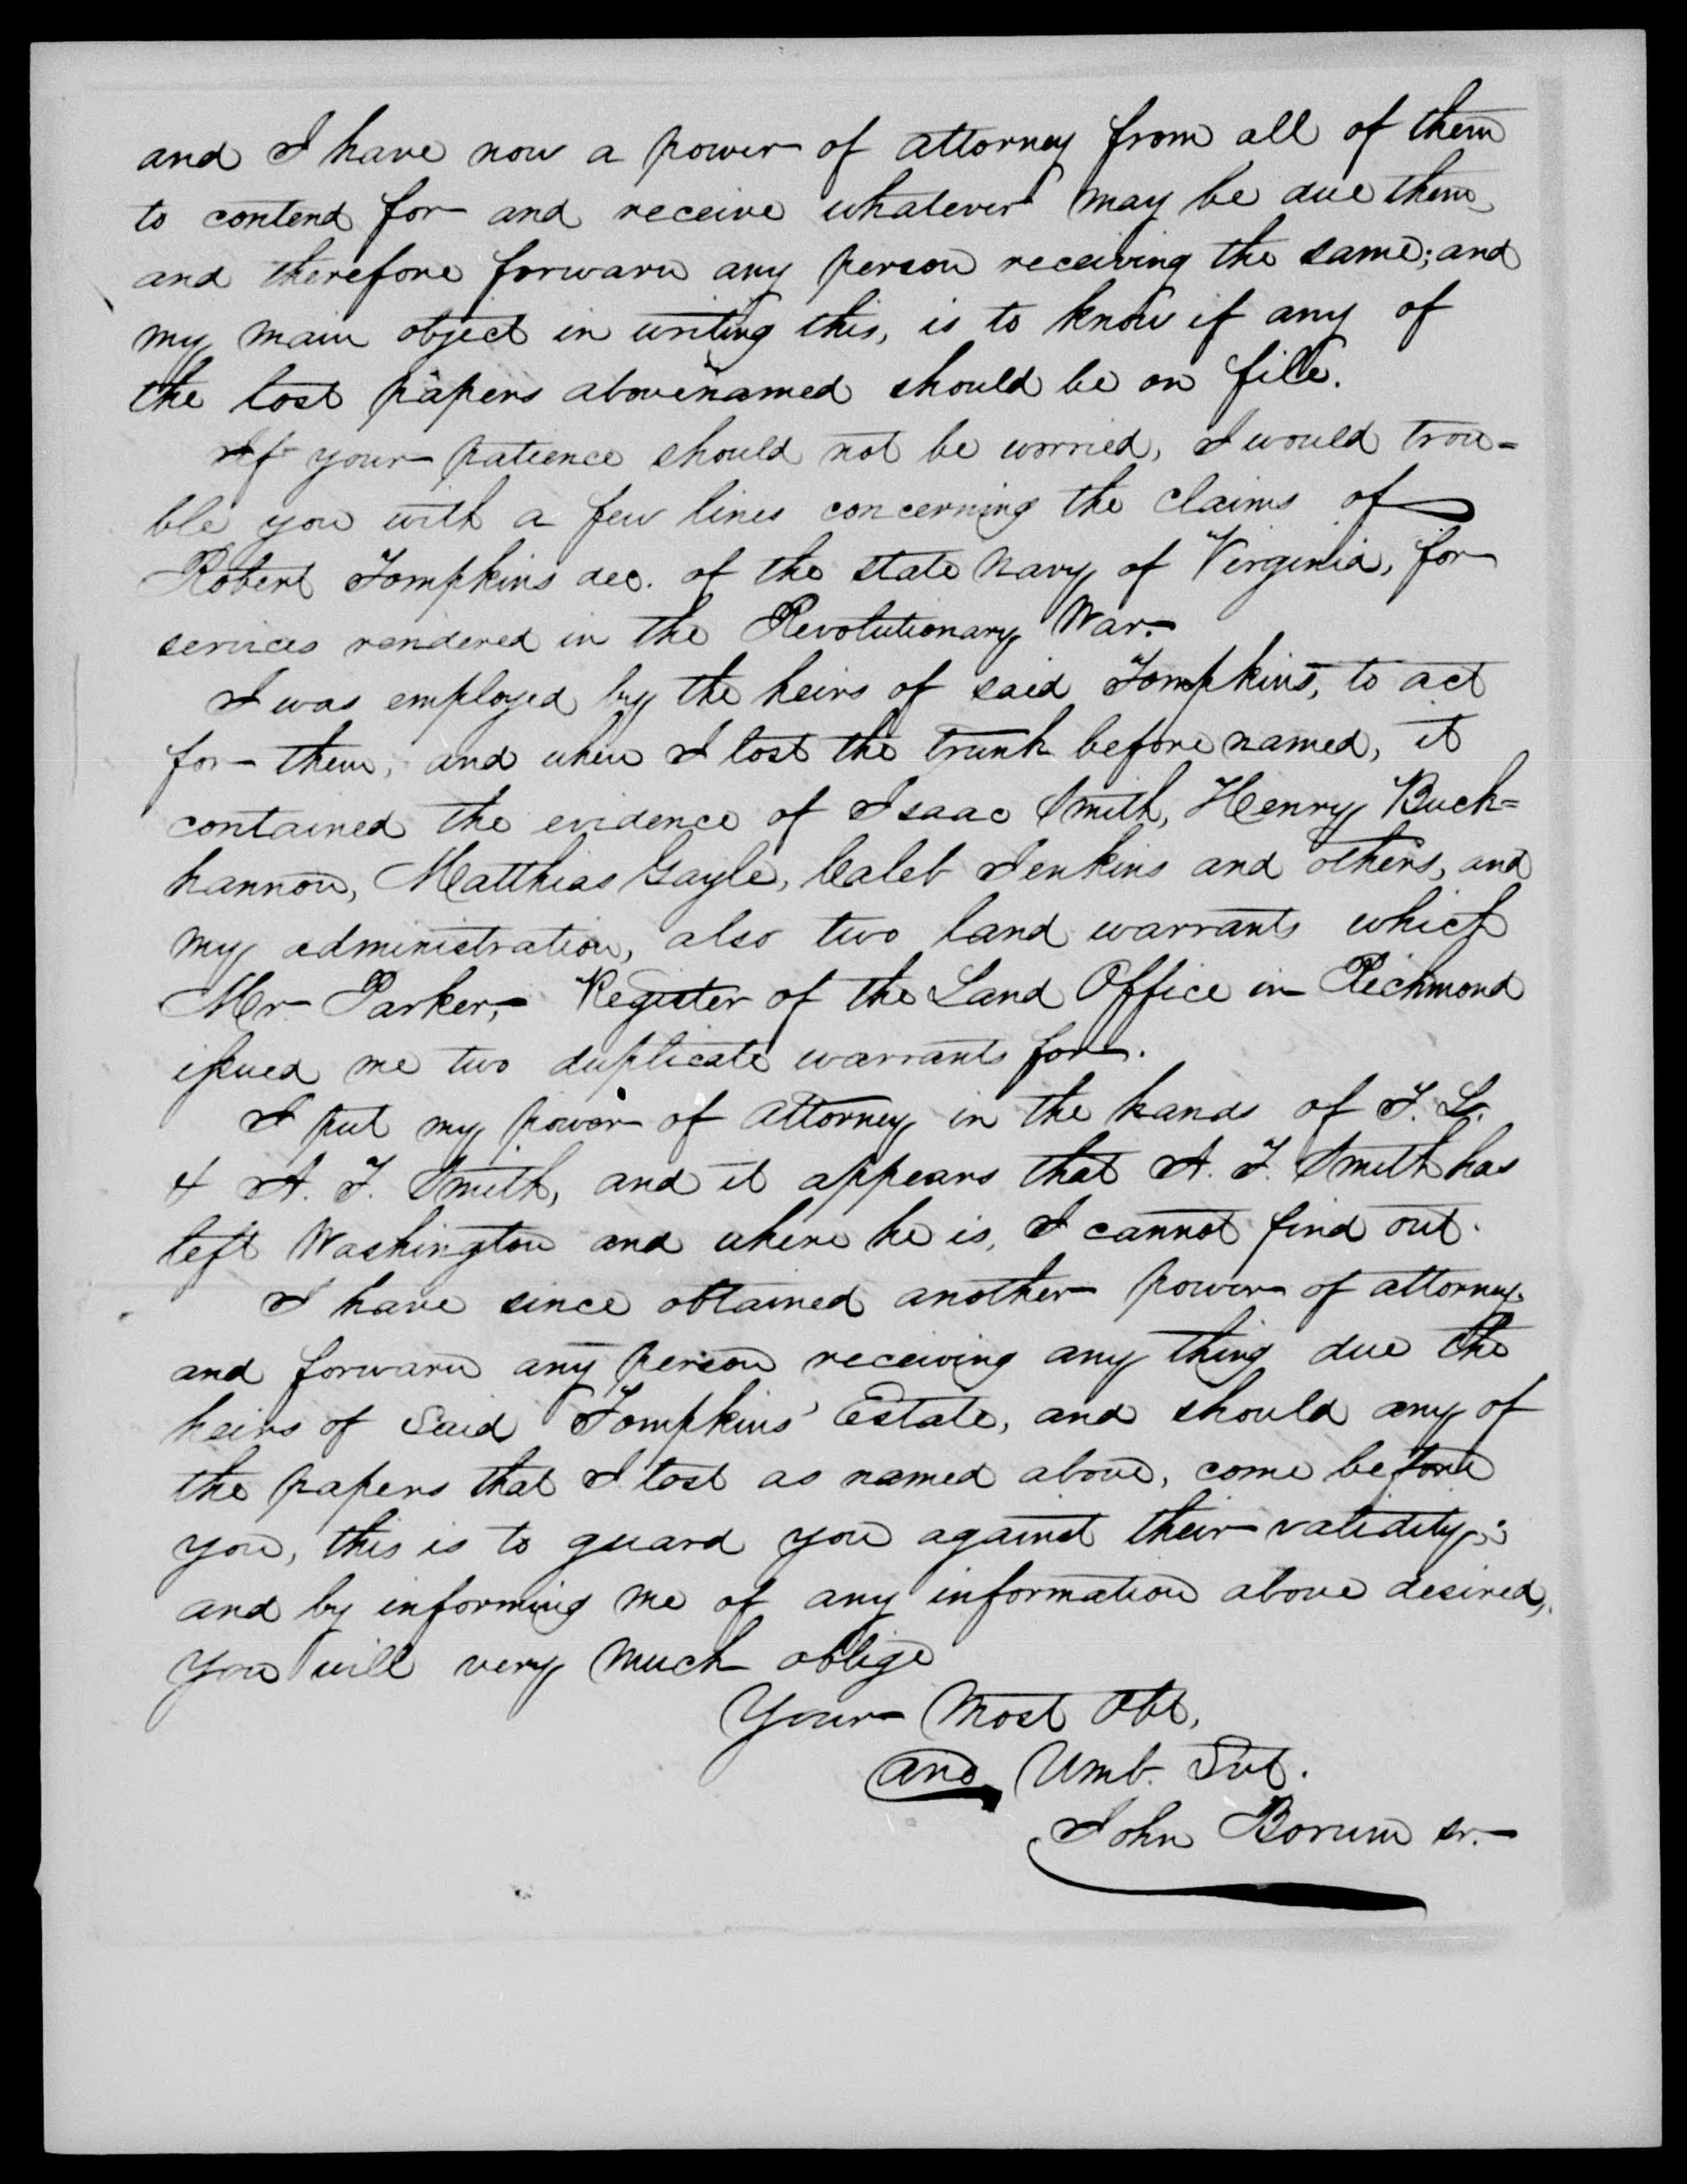and I have now a power of attorney from all of them to contend for and receive whatever may be due them, and therefore forwarn any person receiving the same; and my main object in writing this, is to know if any of the lost papers above named should be on file.
If your patience should not be worried, I would trouble you with a few lines concerning the claims of Robert Tompkins dec. of the state Navy of Virginia, for services rendered in the Revolutionary War. I was employed by the heirs of said Tompkins, to act for them, and when I lost the trunk before named, it contained the evidence of Isaac Smith, Henry Buckhannon, Matthias Gayle, Caleb Jenkins and others, and my administration, also two land warrants which Mr. Parker, Register of the Land Office in Richmond issued me two duplicate warrants for. I put my power of attorney in the hands of F. L. & A. F. Smith, and it appears that A. F. Smith has left Washington and where he is, I cannot find out. I have since obtained another power of attorney, and forwarned [forewarned] any person receiving any thing due the heirs of said Tompkins' Estate, and should any of the papers that I lost as named above, come before you, this is to guard you against their validity, and by informing me of any information above desired, you will very much oblige
Your most obt.
and Umb. Svt.
John Borum Sr.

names: John Borum; Henry Buckhannon; A F Smith; Mathias Gayle; [BLANK] Tompkins; F L Smith; Isaac Smith; [BLANK] Parker; [BLANK] Washington; Caleb Jenkins; Robert Tompkins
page: 13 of 30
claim: rejected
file: R. 16,555, for Thomas Morris, Georgia